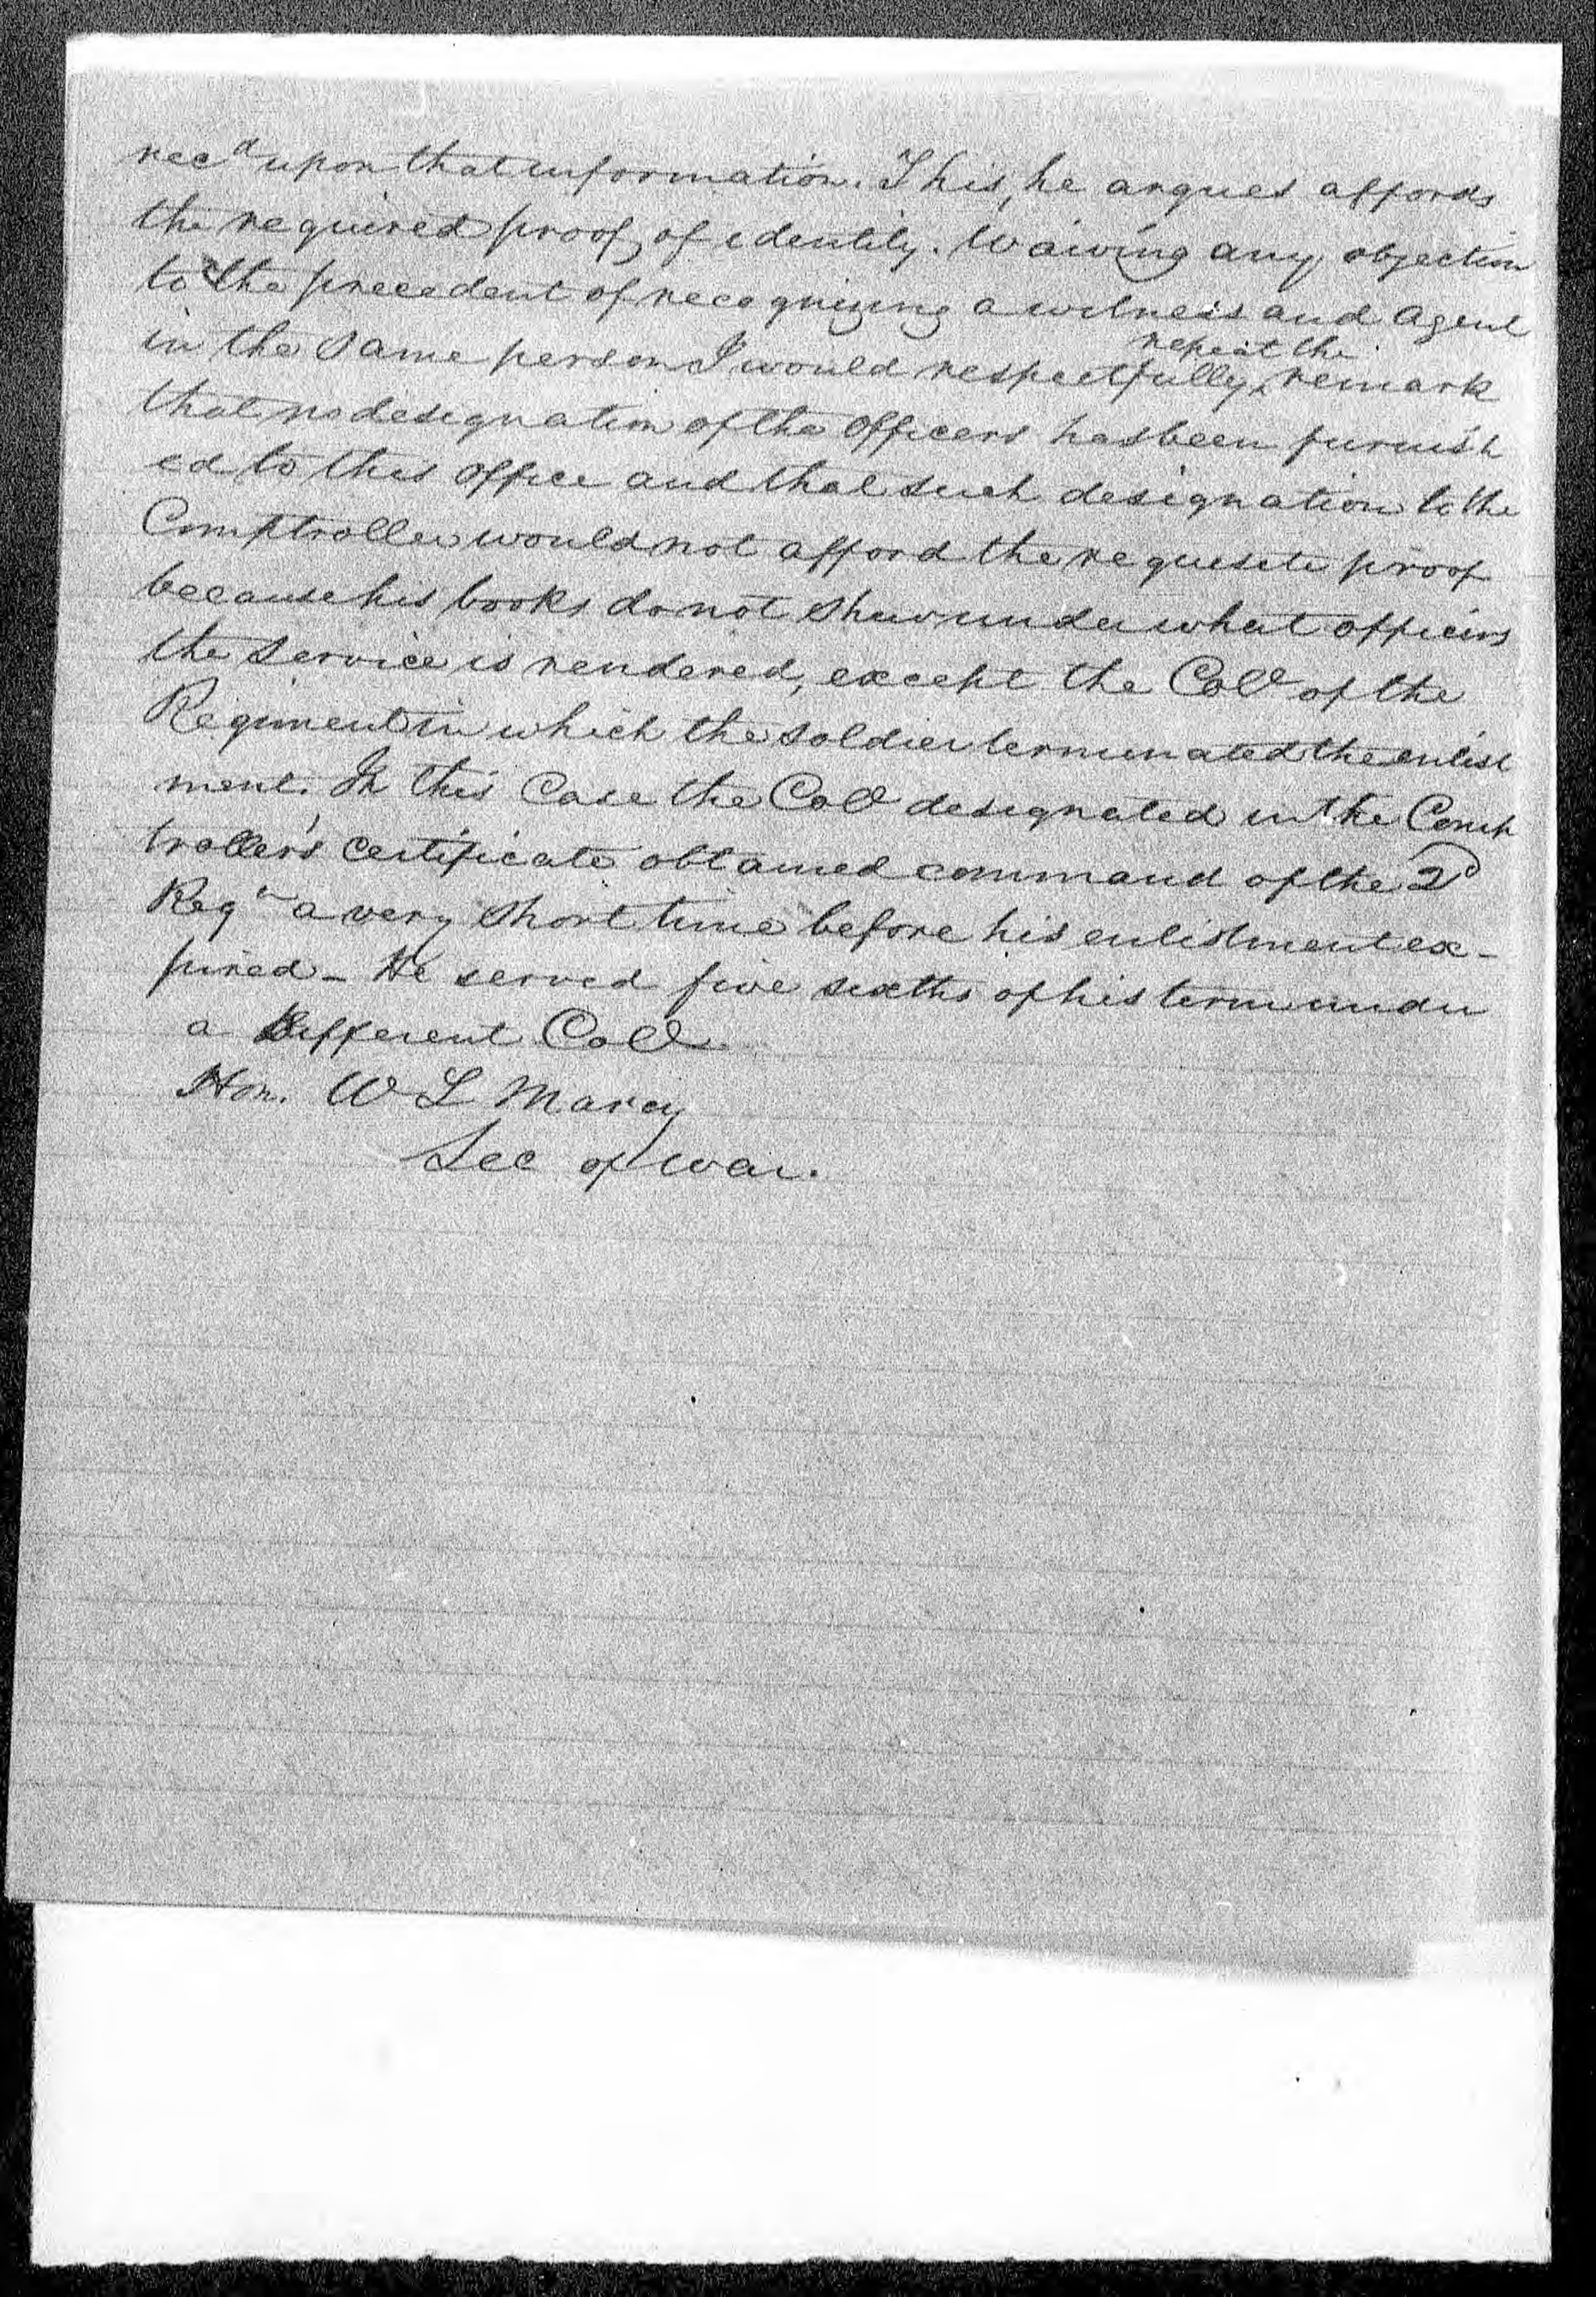recd [received] upon that information. This he argues affords the required proof of identity. Waiving any objection to the precedent of recognizing a witness and agent the in the same person I would respectfully [caret] repeat the [superscript] remark that no designation of the officers has been furnished to this office and that such designation to the Comptroller would not afford the requisite proof because his books do not shew [show] under what officers the service is rendered, except the Coll of the Regiment in which the soldier terminated the enlistment. In this Case the Coll designated in the Comptroller's certificate obtained command of the 2d a Reg very short time before his enlistment expired _ He served five sixths of his term in a different Coll
Hon. W L Marcy
Sec of war.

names: W L Marcy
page: 45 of 68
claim: rejected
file: R. 2,360, John Couch, Conn.